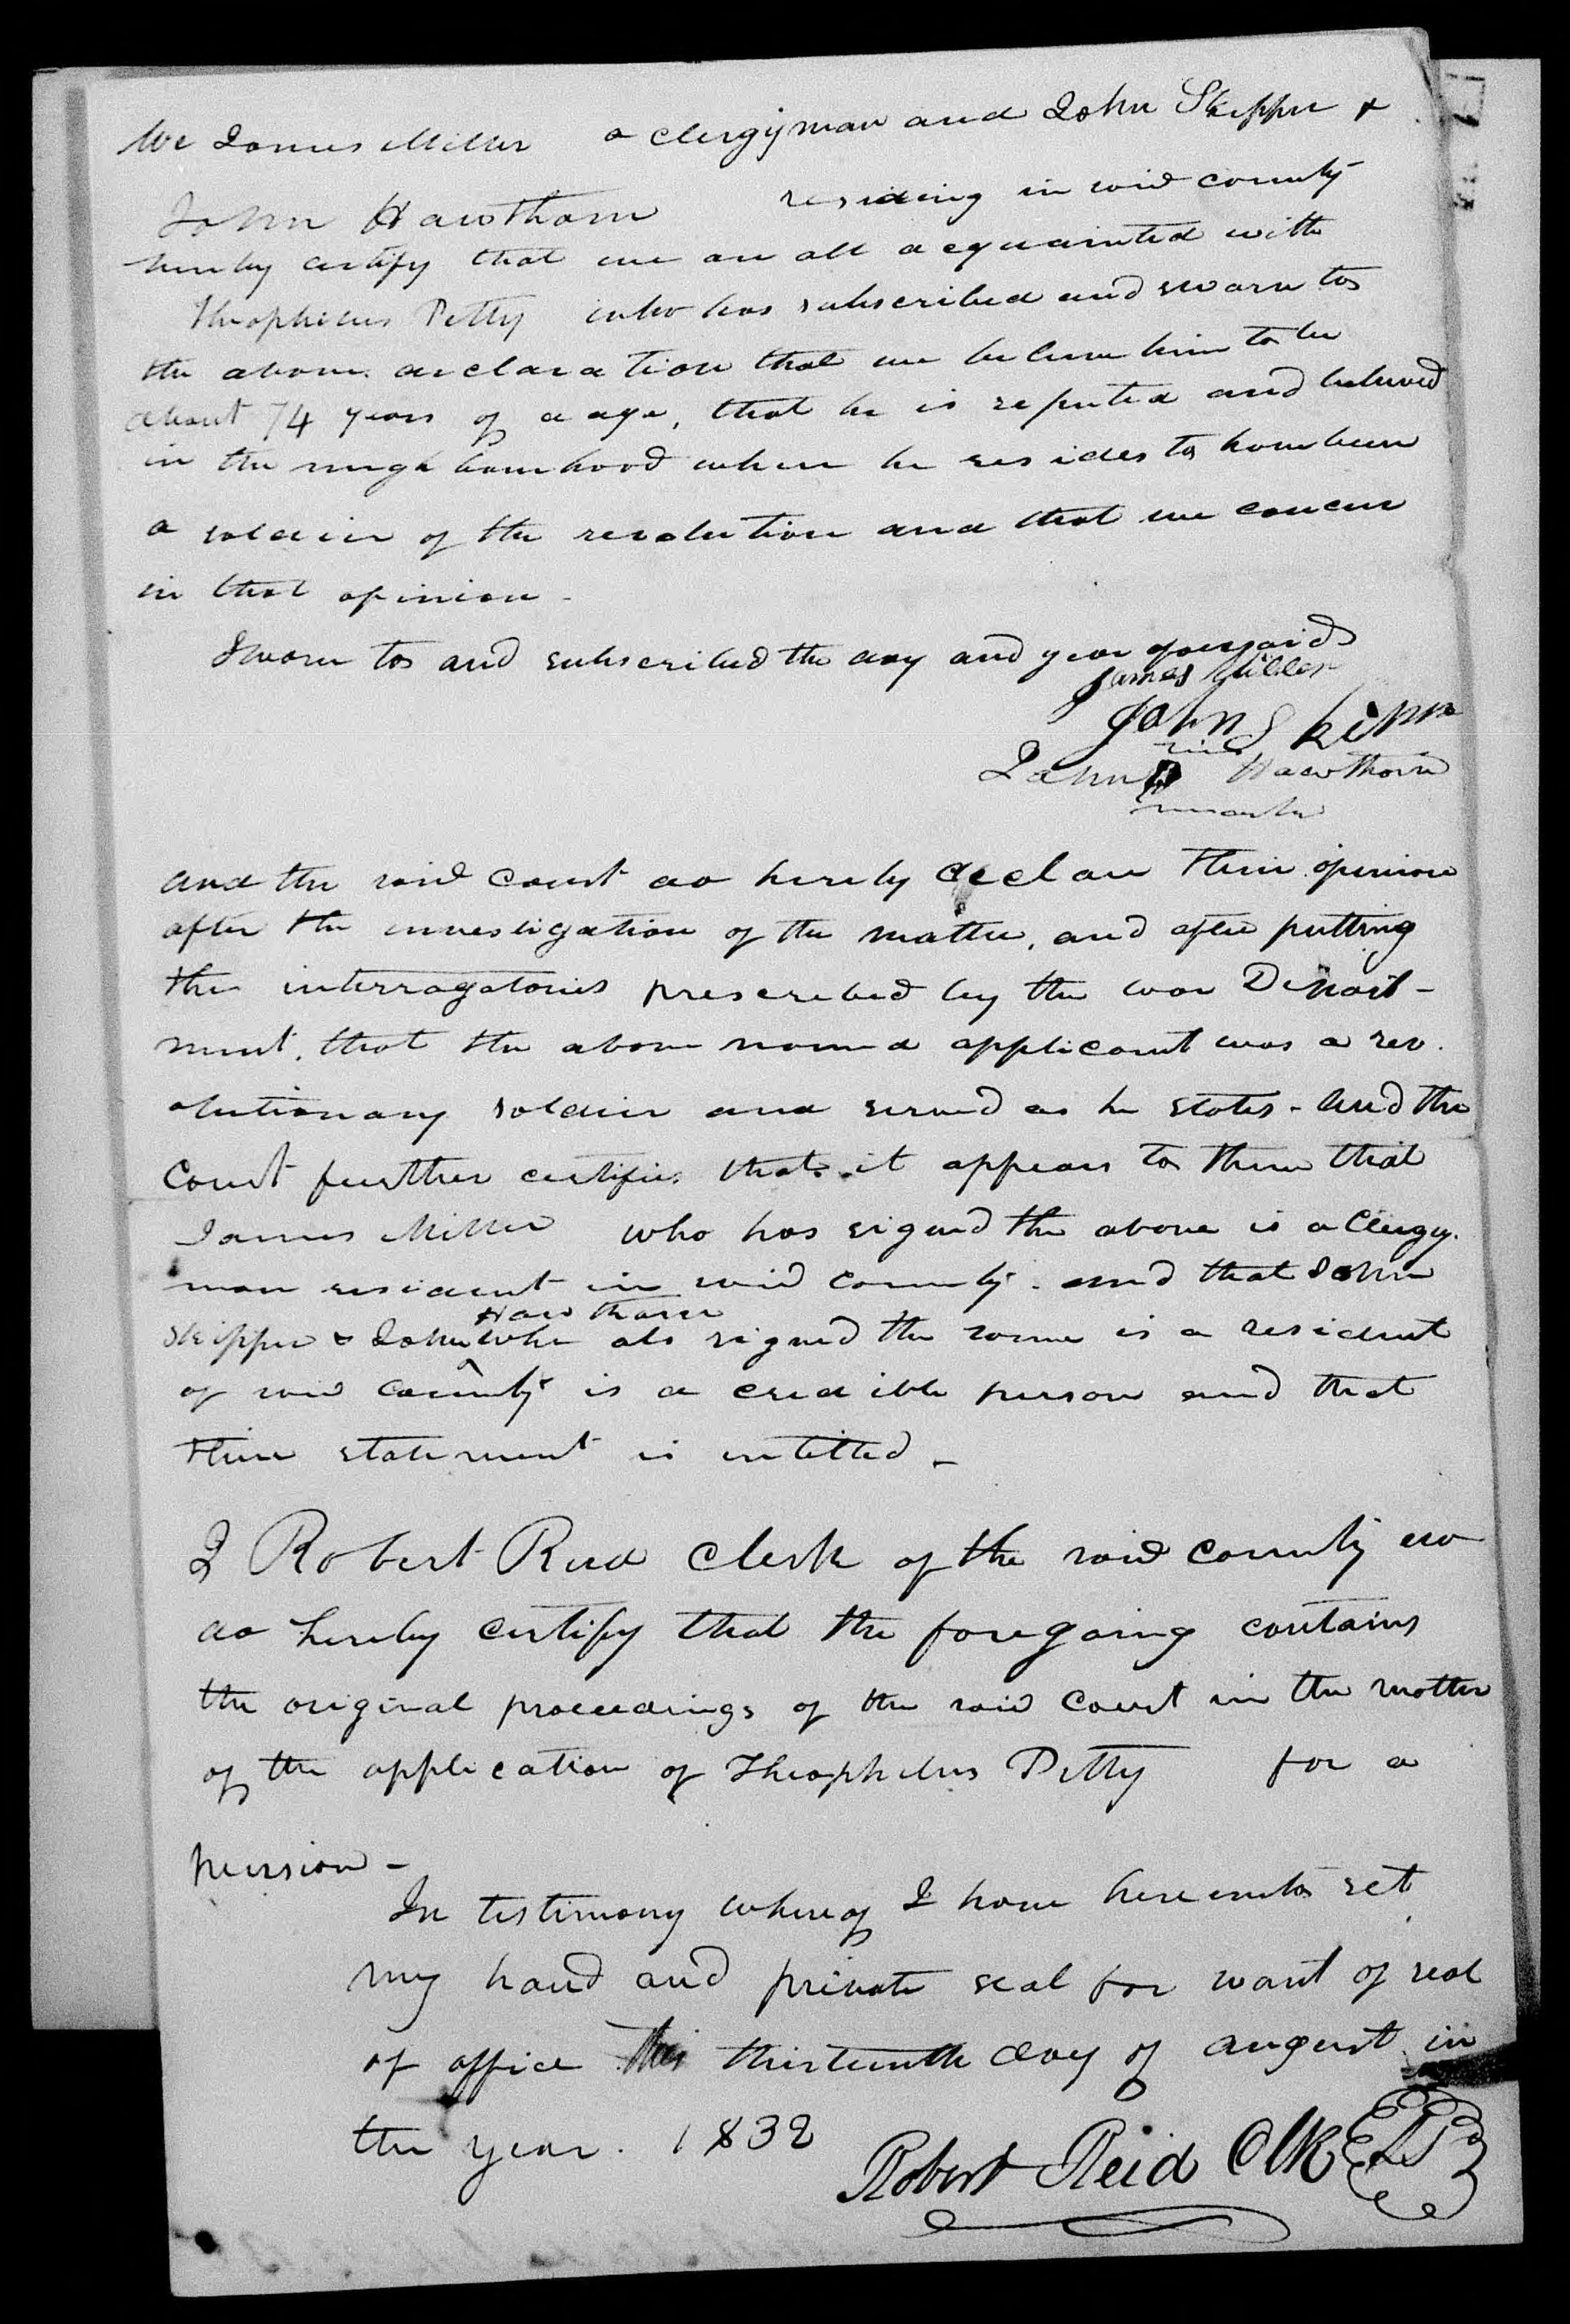We James Miller a clergyman and John Skipper & John Hawthorn residing in said county hereby certify that we are all acquainted with Theophilus Petty who has subscribed and sworn to the above declaration that we believe him to be about 74 years of age that he is reputed and believed in the neighbourhood where he resides to have been a volunteer of the revolution and that we concur in that opinion
Sworn to and subscribed the day and year aforesaid
James Miller
John Skipper
James Hawthorn
his mark
and the said court do hereby declare their opinion after the investigation of the matter and after putting the interragatories prescribed by the war department that the above named applicant was a revolutionary soldier and served as he states and the court further certifies that it appears to them that James Miller who has signed the above is a clergyman resident in said county and that John Skipper & John Hawthorn who alo signed the same is a resident of said county is a credible person and that their statement is entitled
I Robert Reid clerk of the said county do hereby certify that the foregoing contains the original proceedings of the said court in the matter of the application of Theophilus Petty for a pension
In testimony whereof I have hereunto set my hand and private seal for want of seal of office this thirteenth day of August in the year 1832
Robert Reid clk Ss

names: Theophilus Petty; John Skipper; John Hawthorn; Robert Reid; James Miller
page: 9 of 26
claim: rejected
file: R. 8,161, for Theophilus Petty, South Carolina